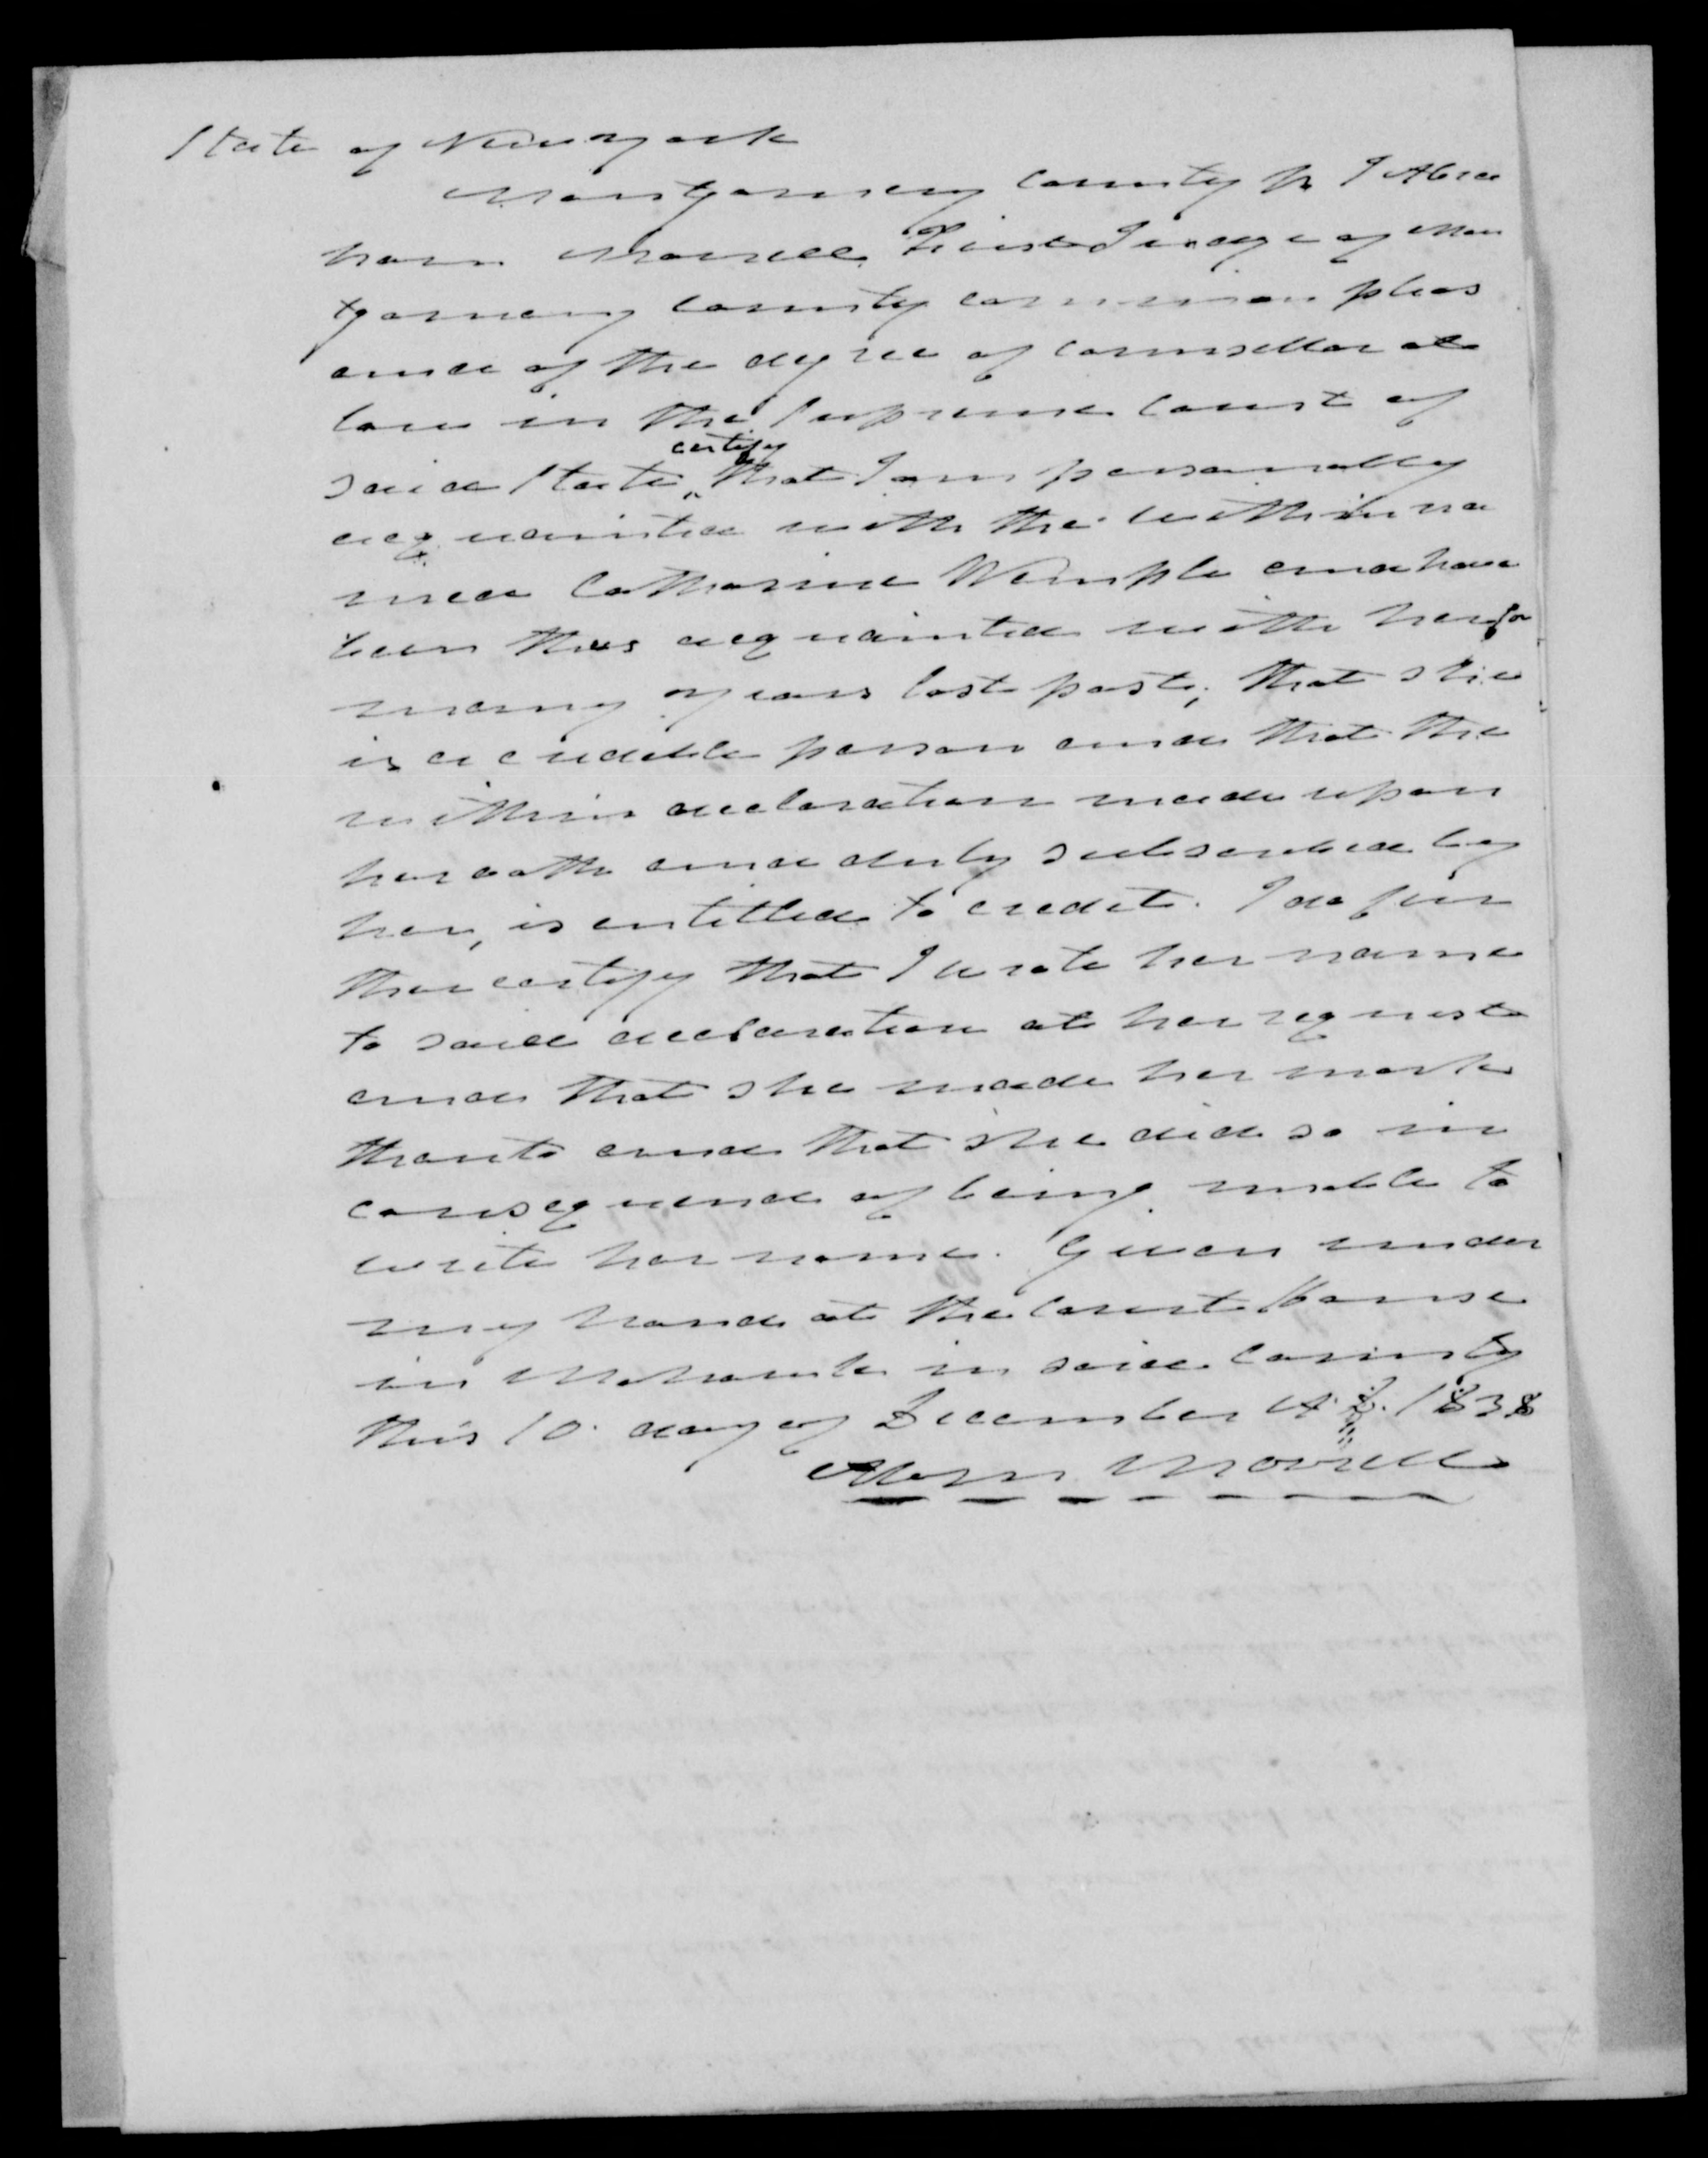State of New York
Montgomery County  ss 
I Abraham Morrell First Judge of
Montgomery County common pleas and of the degree of Counsellor at law in the Supreme Court of
said State certify that I am personally
acquainted with the within is a [illegible]
Catharine Wemple and have
been thrus acquainted with her for
many years last past, that she
is a creditable person and that the
within declaration made upon
her oath and duly subscribed by
her, is entitled to credit. Fore
further certify that I wrote her name
to said declaration at her request and
that she made her mark
than to and that she did so in
consequence of being unable to
write her name. Given under
my hand at the Court House
in Mohawk in said County
this 10 day of December A. D. 1838
Abrm Morrell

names: Abm Morrell, Catharine Wemple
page: 17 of 51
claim: widow's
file: W. 19604, Myndert B Wemple, New York